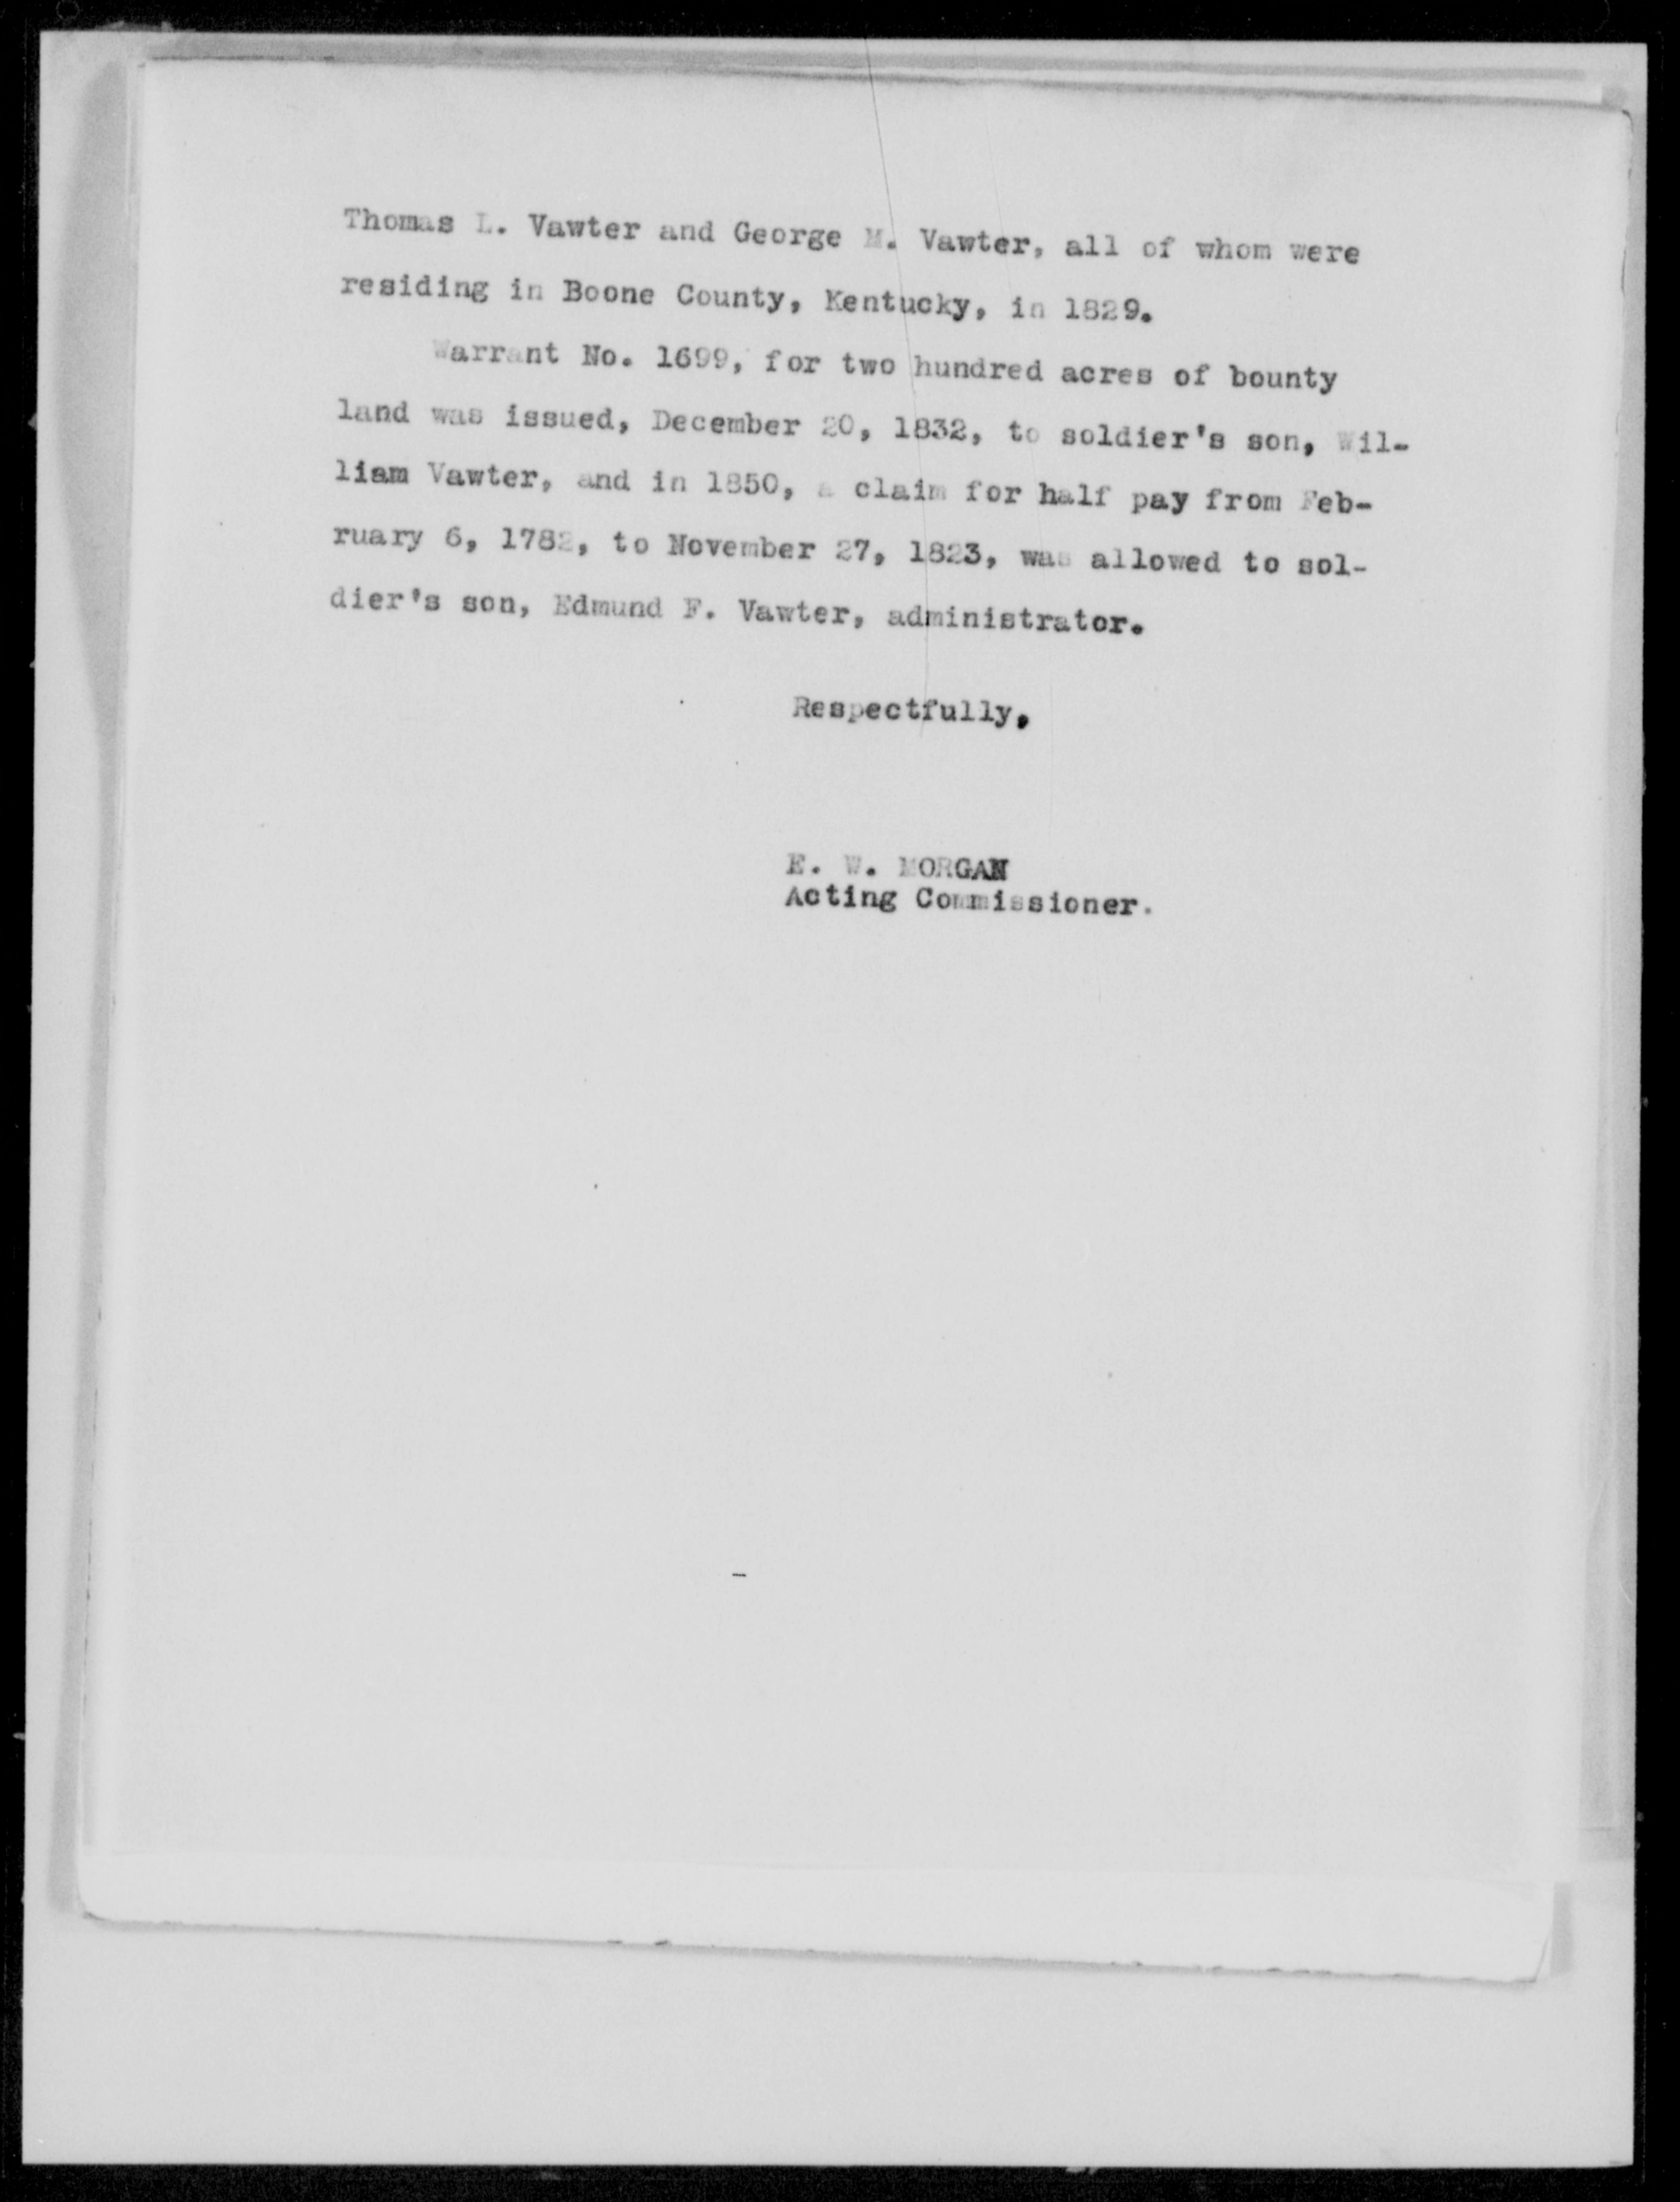Thomas H. Vawter and George M. Vawter, all of whom were
residing in Boone County, Kentucky, in 1829.

Warrant No. 1699, for two hundred acres of bounty
land was issued December 20, 1832, to soldier's son, William
Vawter, and in 1850, claim for half pay from February
6, 1782, to November 27, 1823, was allowed to soldier's 
son, Edmund F. Vawter, administrator.

Respectfully,
E. W. MORGAN
Acting Commissioner.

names: Edmund F Vawter, Thomas L Vawter, George M Vawter, William Vawter, E W Morgan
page: 33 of 51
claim: rejected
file: R. 10,921, William Vawter, Va.